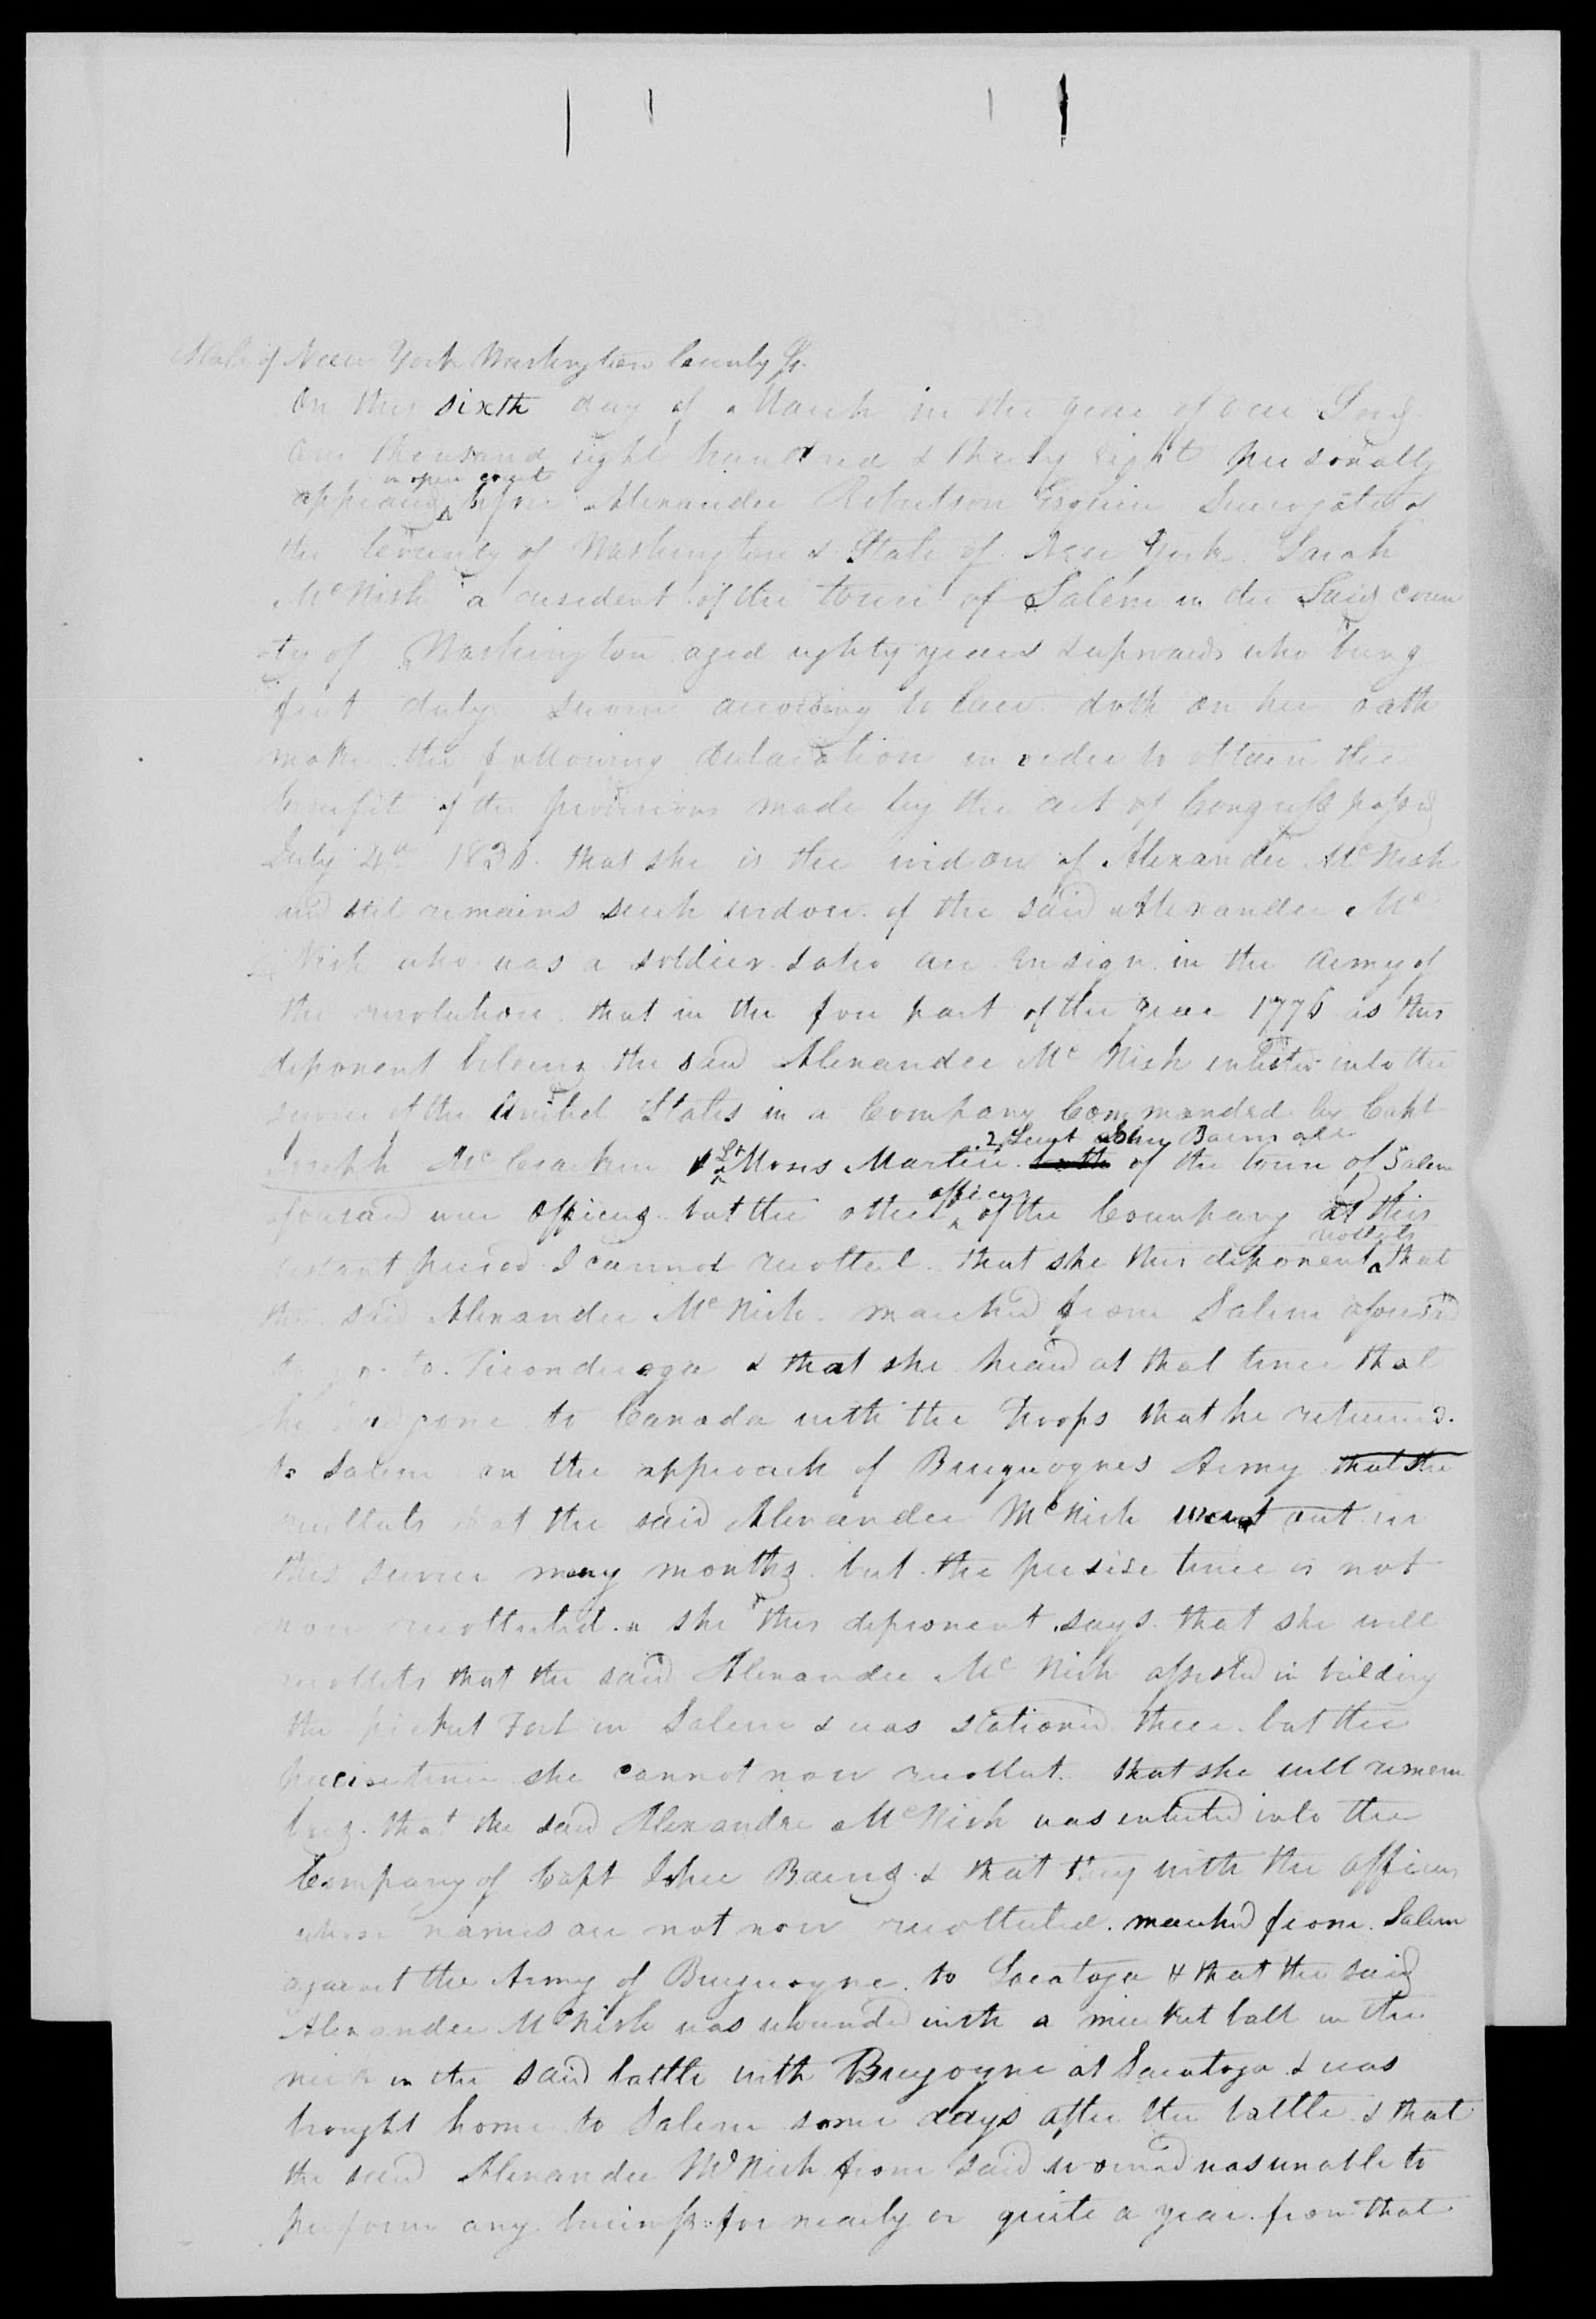State of New York Washington County SS
On this sixth day of March in the year of our Lord one thousand eight hundred and thirty eight personally appeared in open court before Alexander Robertson Esquire Surrogate of the County of Washington and State of New Yok, Sarah McNish a resident of the town of Salem in the said county of Washington aged eighty years and upwards who being first duly sworn according to law doth on her oath make the following declaration in order to obtain the benefit of the pension made by the act of Congress passed July 4th 1820 that she is the widow of the said Alexander McNish who was a soldier and also an ensign in the army of the revolution. That in the fore part of the year 1776 as the deponent believes the said Alexander McNish enlisted into the services of the United States in a company commanded by Capt. Joseph McCracken and Lt. Moses Martin and 2d Lieut John Barns all of the town of Salem aforesaid were officers but the other officers of the company at the distant period I cannot recollect. That she this deponent recollects the said Alexander McNish marched from Salem aforesaid to go to Ticonderoga and that she heard at the time that he had gone to Canada with the troops that he returned to Salem on the approach of Burgoyne's Army. That she recollects that the said Alexander McNish assisted in building the picket fort in Salem and was stationed there but the precise time she cannot now recollect. That she well remembers that the said Alexander McNish was enlisted into the company of Capt. John Barns and that they with the officers whose names are not now recollected marched from Salem against the Army of Burgoyne to Saratoga and that the said Alexander McNish was wounded with a musket ball in the neck in the said battle with Burgoyne at Saratoga and was brought home to Salem some says after the battle and that the said Alexander McNish from said wound was unable to perform any business for nearly or quite a year from that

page: 18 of 42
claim: widow's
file: W. 23,937 S. 28094, for Alexander Mc Nish, New York